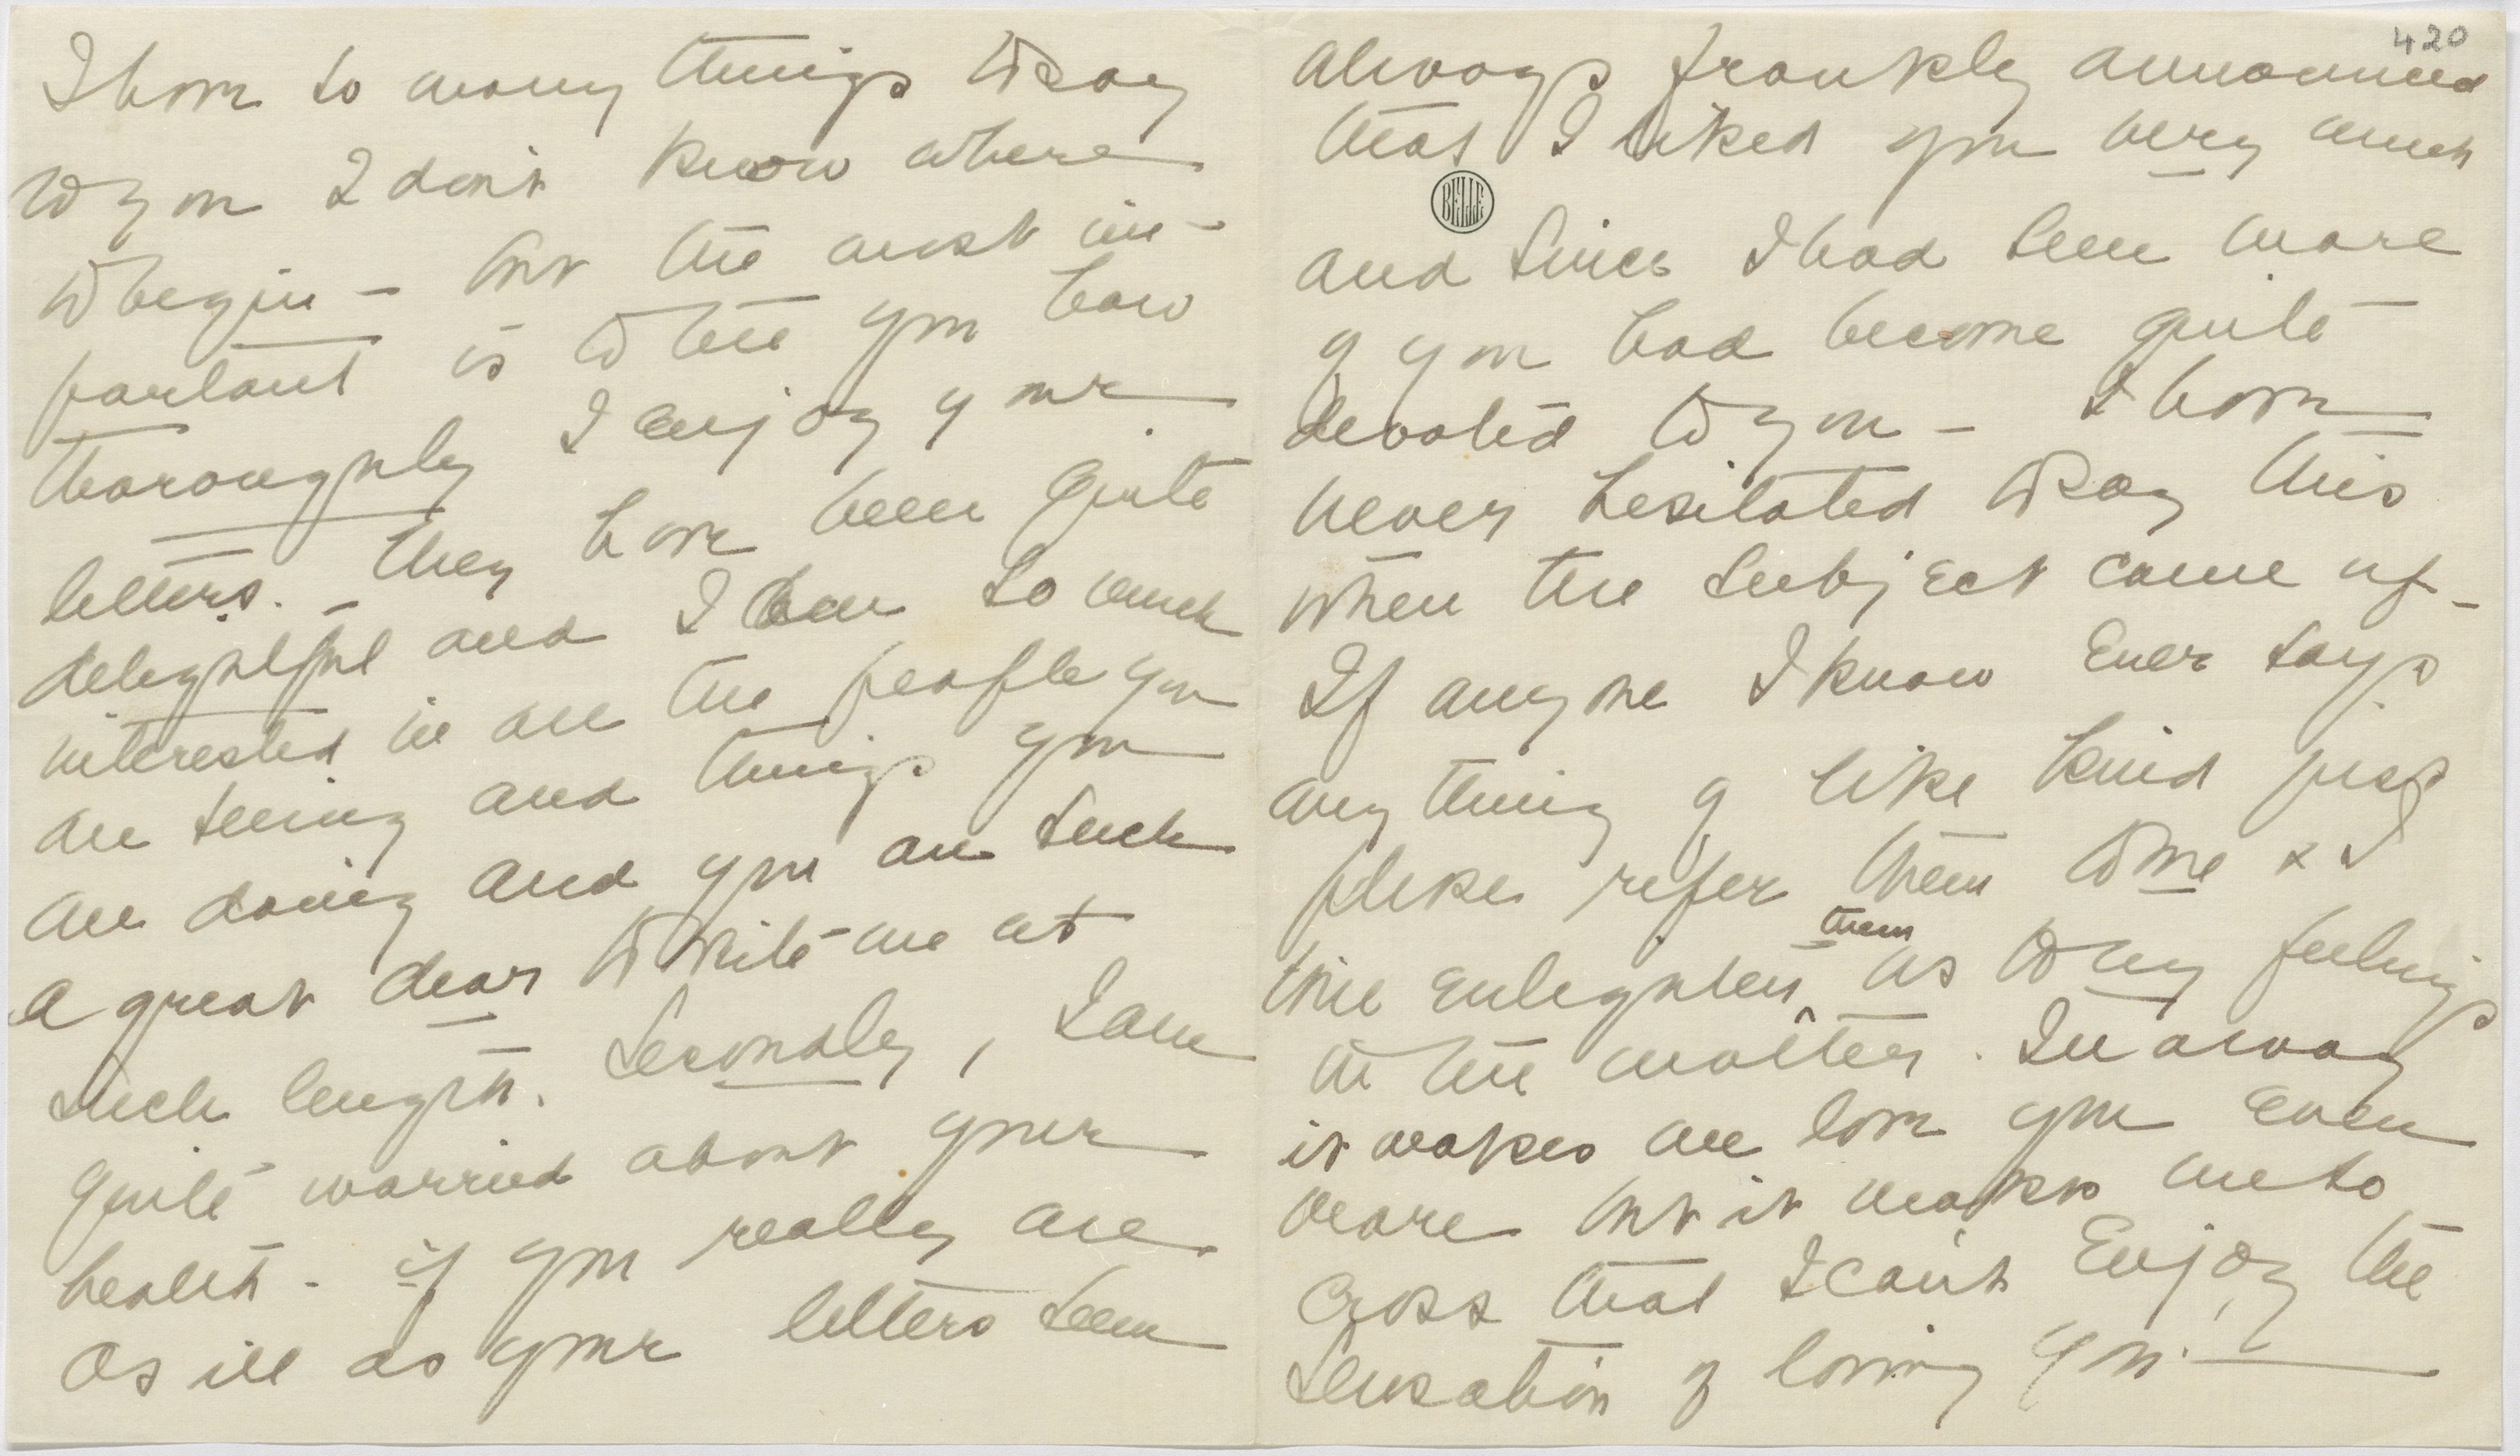always frankly announced that I liked you very much and since I had seen more of you had become quite devoted to you – I have never hesitated to say this when the subject came up – If any one I know ever says any thing of like kind just please refer them to me & I will enlighten [^them^] as to my feelings in the matter. In a way it makes me love you even more but it makes me so cross that I can’t enjoy the sensation of loving you! –
I have so many things to say to you I don’t know where to begin – but the most important is to tell you how thoroughly I enjoy your letters. They have been quite delightful and I am so much interested in all the people you are seeing and things you are doing and you are such a great dear to write me at such length. Secondly, I am quite worried about your health. if you really are as ill as your letters seem